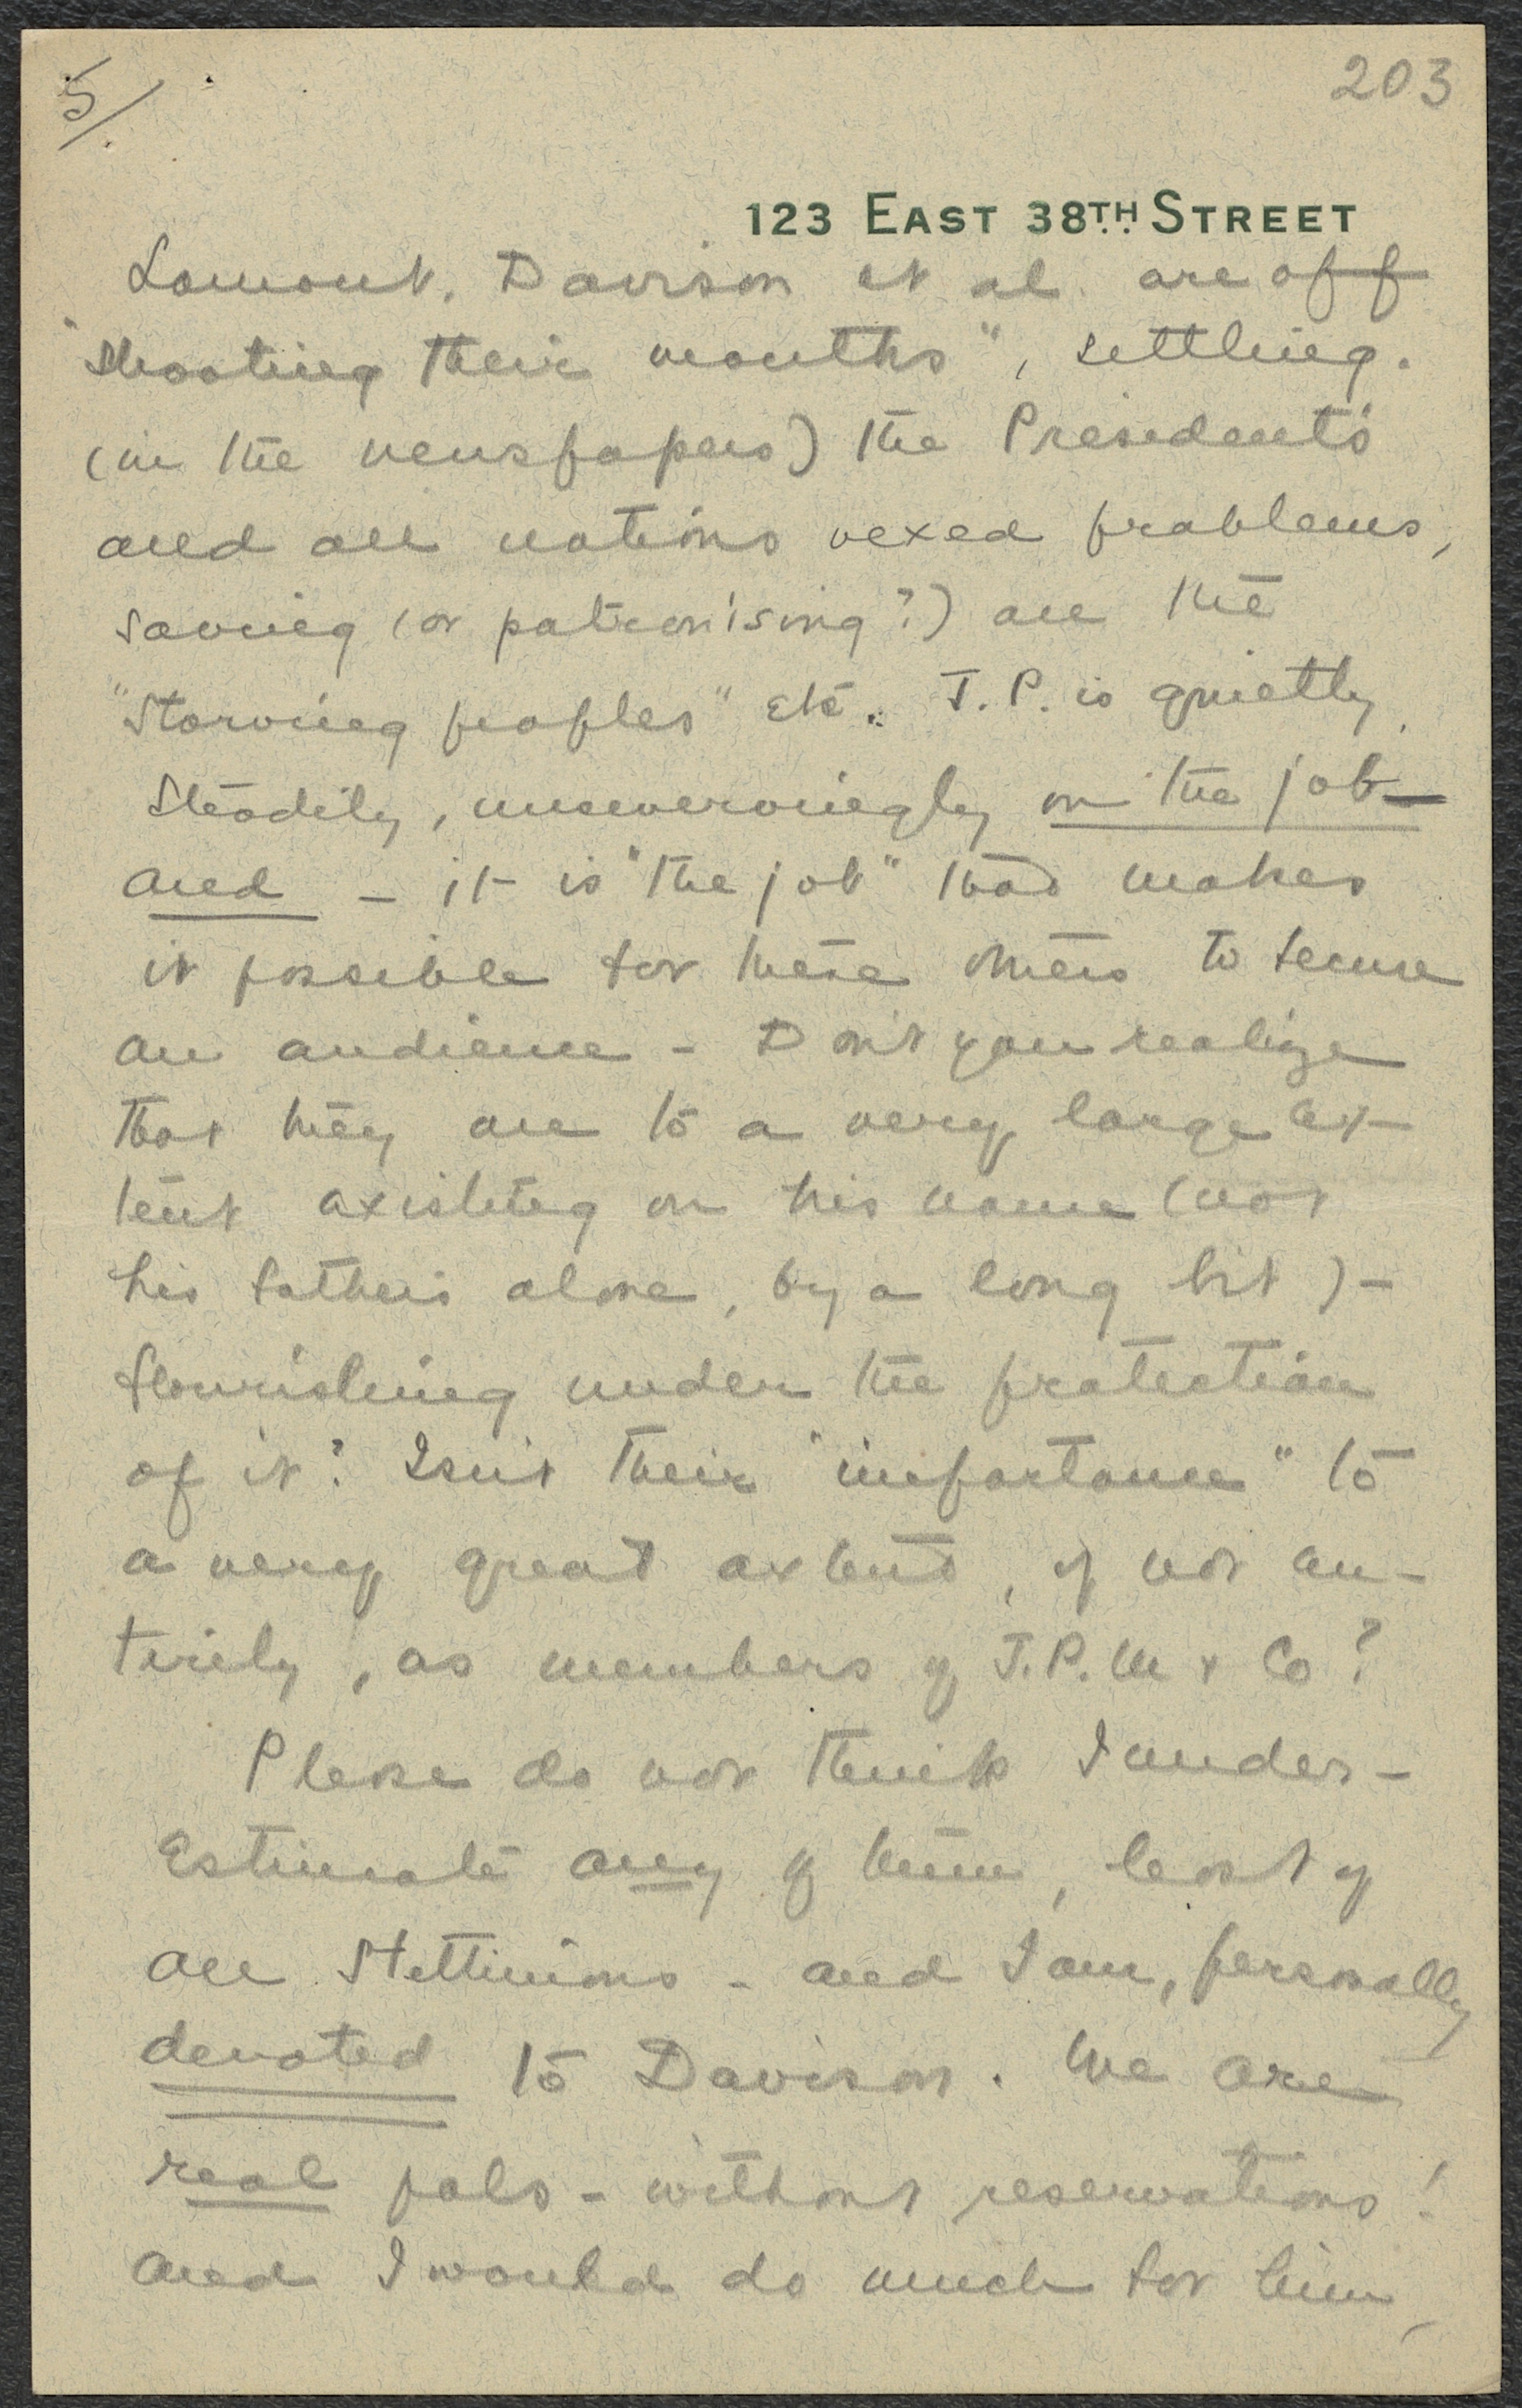Lamont, Davison et al are off “shooting their mouths”, settling, (in the newspapers) the President’s and all nations vexed problems, saving (or patronising?) all the “starving peoples” etc. J.P. is quietly, steadily, unswervingly on the job – and – it is “ the job” that makes it possible for these others to secure an audience – Don’t you realize that they are to a very large extent existing on his name (not his father’s alone, by a long bit) – flourishing under the protection of it? Isn’t their “importance” to a very great extent, if not entirely, as members of J.P.M & co?
Please do not think I underestimate any of them, least of all Stettinius – and I am, personally [double underlined: devoted] to Davison – We are real pals – without reservations! and I would do much for him,